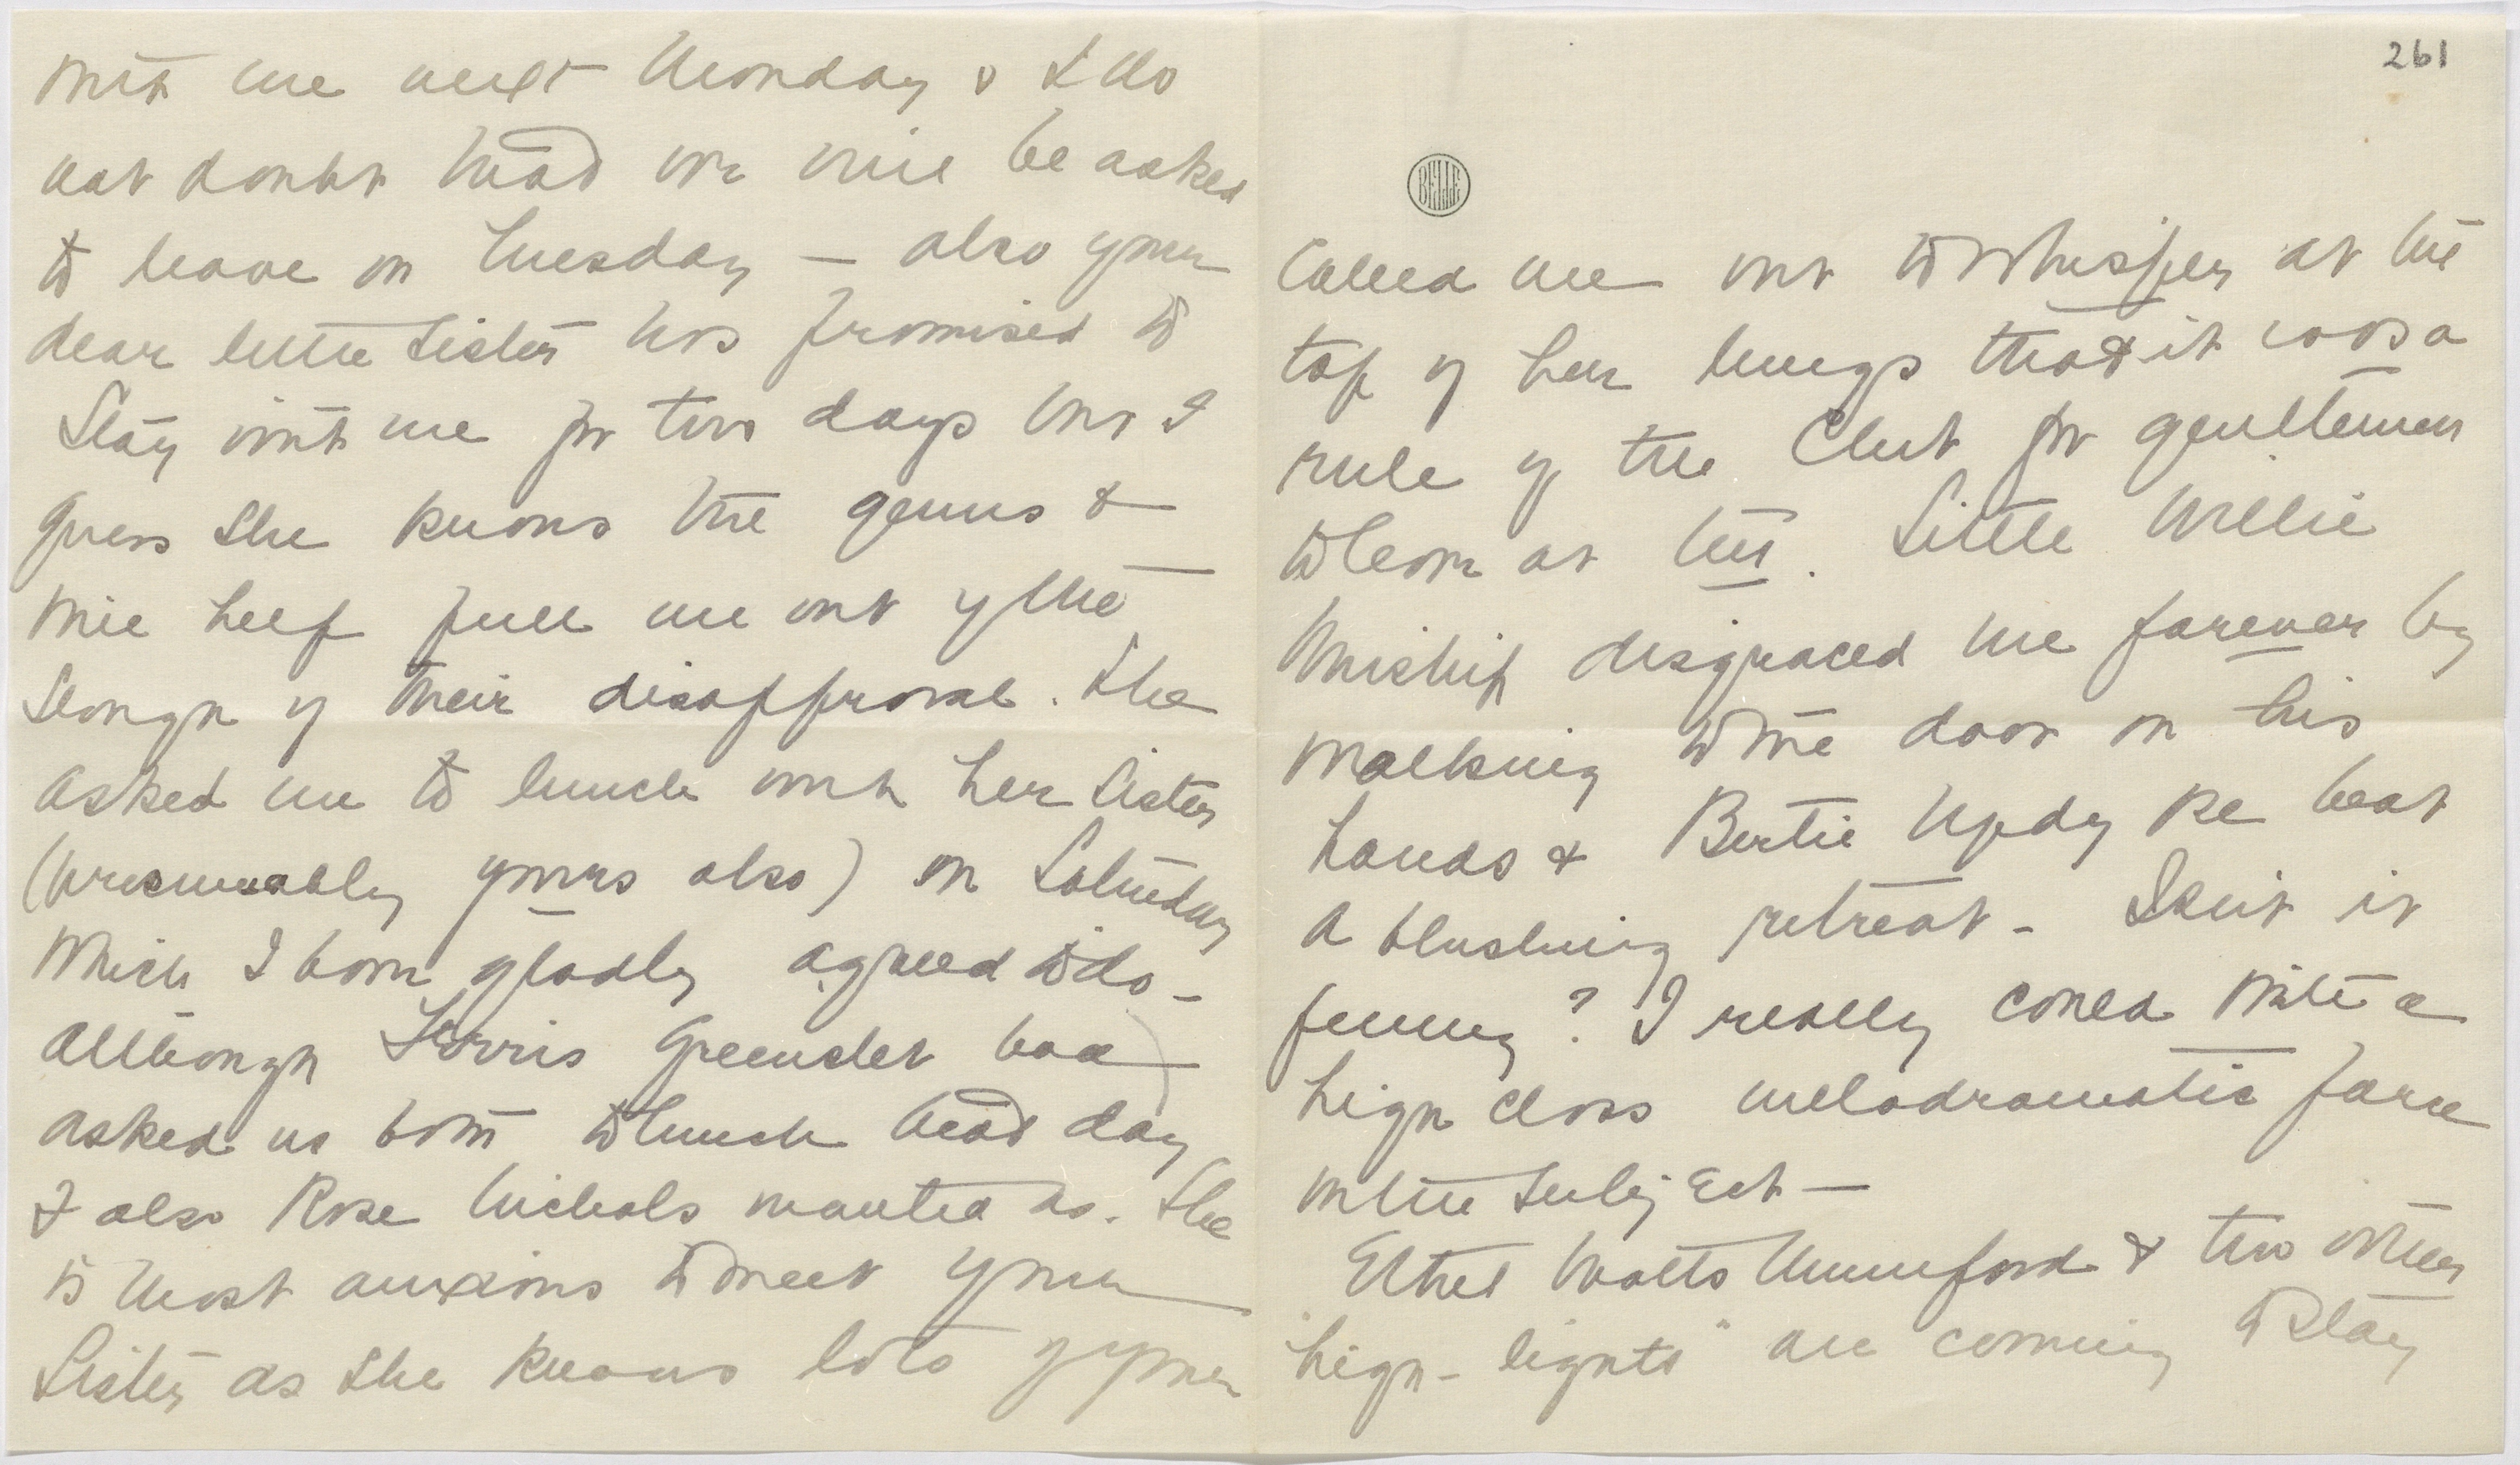called me out to whisper at the top of her lungs that it was a rule of the Club for gentleman to leave at ten. Little Willie Winship disgraced me forever by walking to the door on his hands & Bertie Updyke beat a blushing retreat – Isn’t it funny? I really could write a high class melodramatic farce on the subject –
Ethel Watts Mumford & two other “high-lights” are coming to stay
with me next Monday & I do not doubt that we will be asked to leave on Tuesday – also your dear little sister has promised to stay with me for two days but I guess she knows the genus & will help pull me out of the slough of their disapproval. She asked me to lunch with her sister (presumably yours also) on Saturday which I have gladly agreed to do – Although Ferris Greenslet had asked us both to lunch that day & also Rose Nichols wanted us. She is most anxious to meet your Sister as she knows lots of your